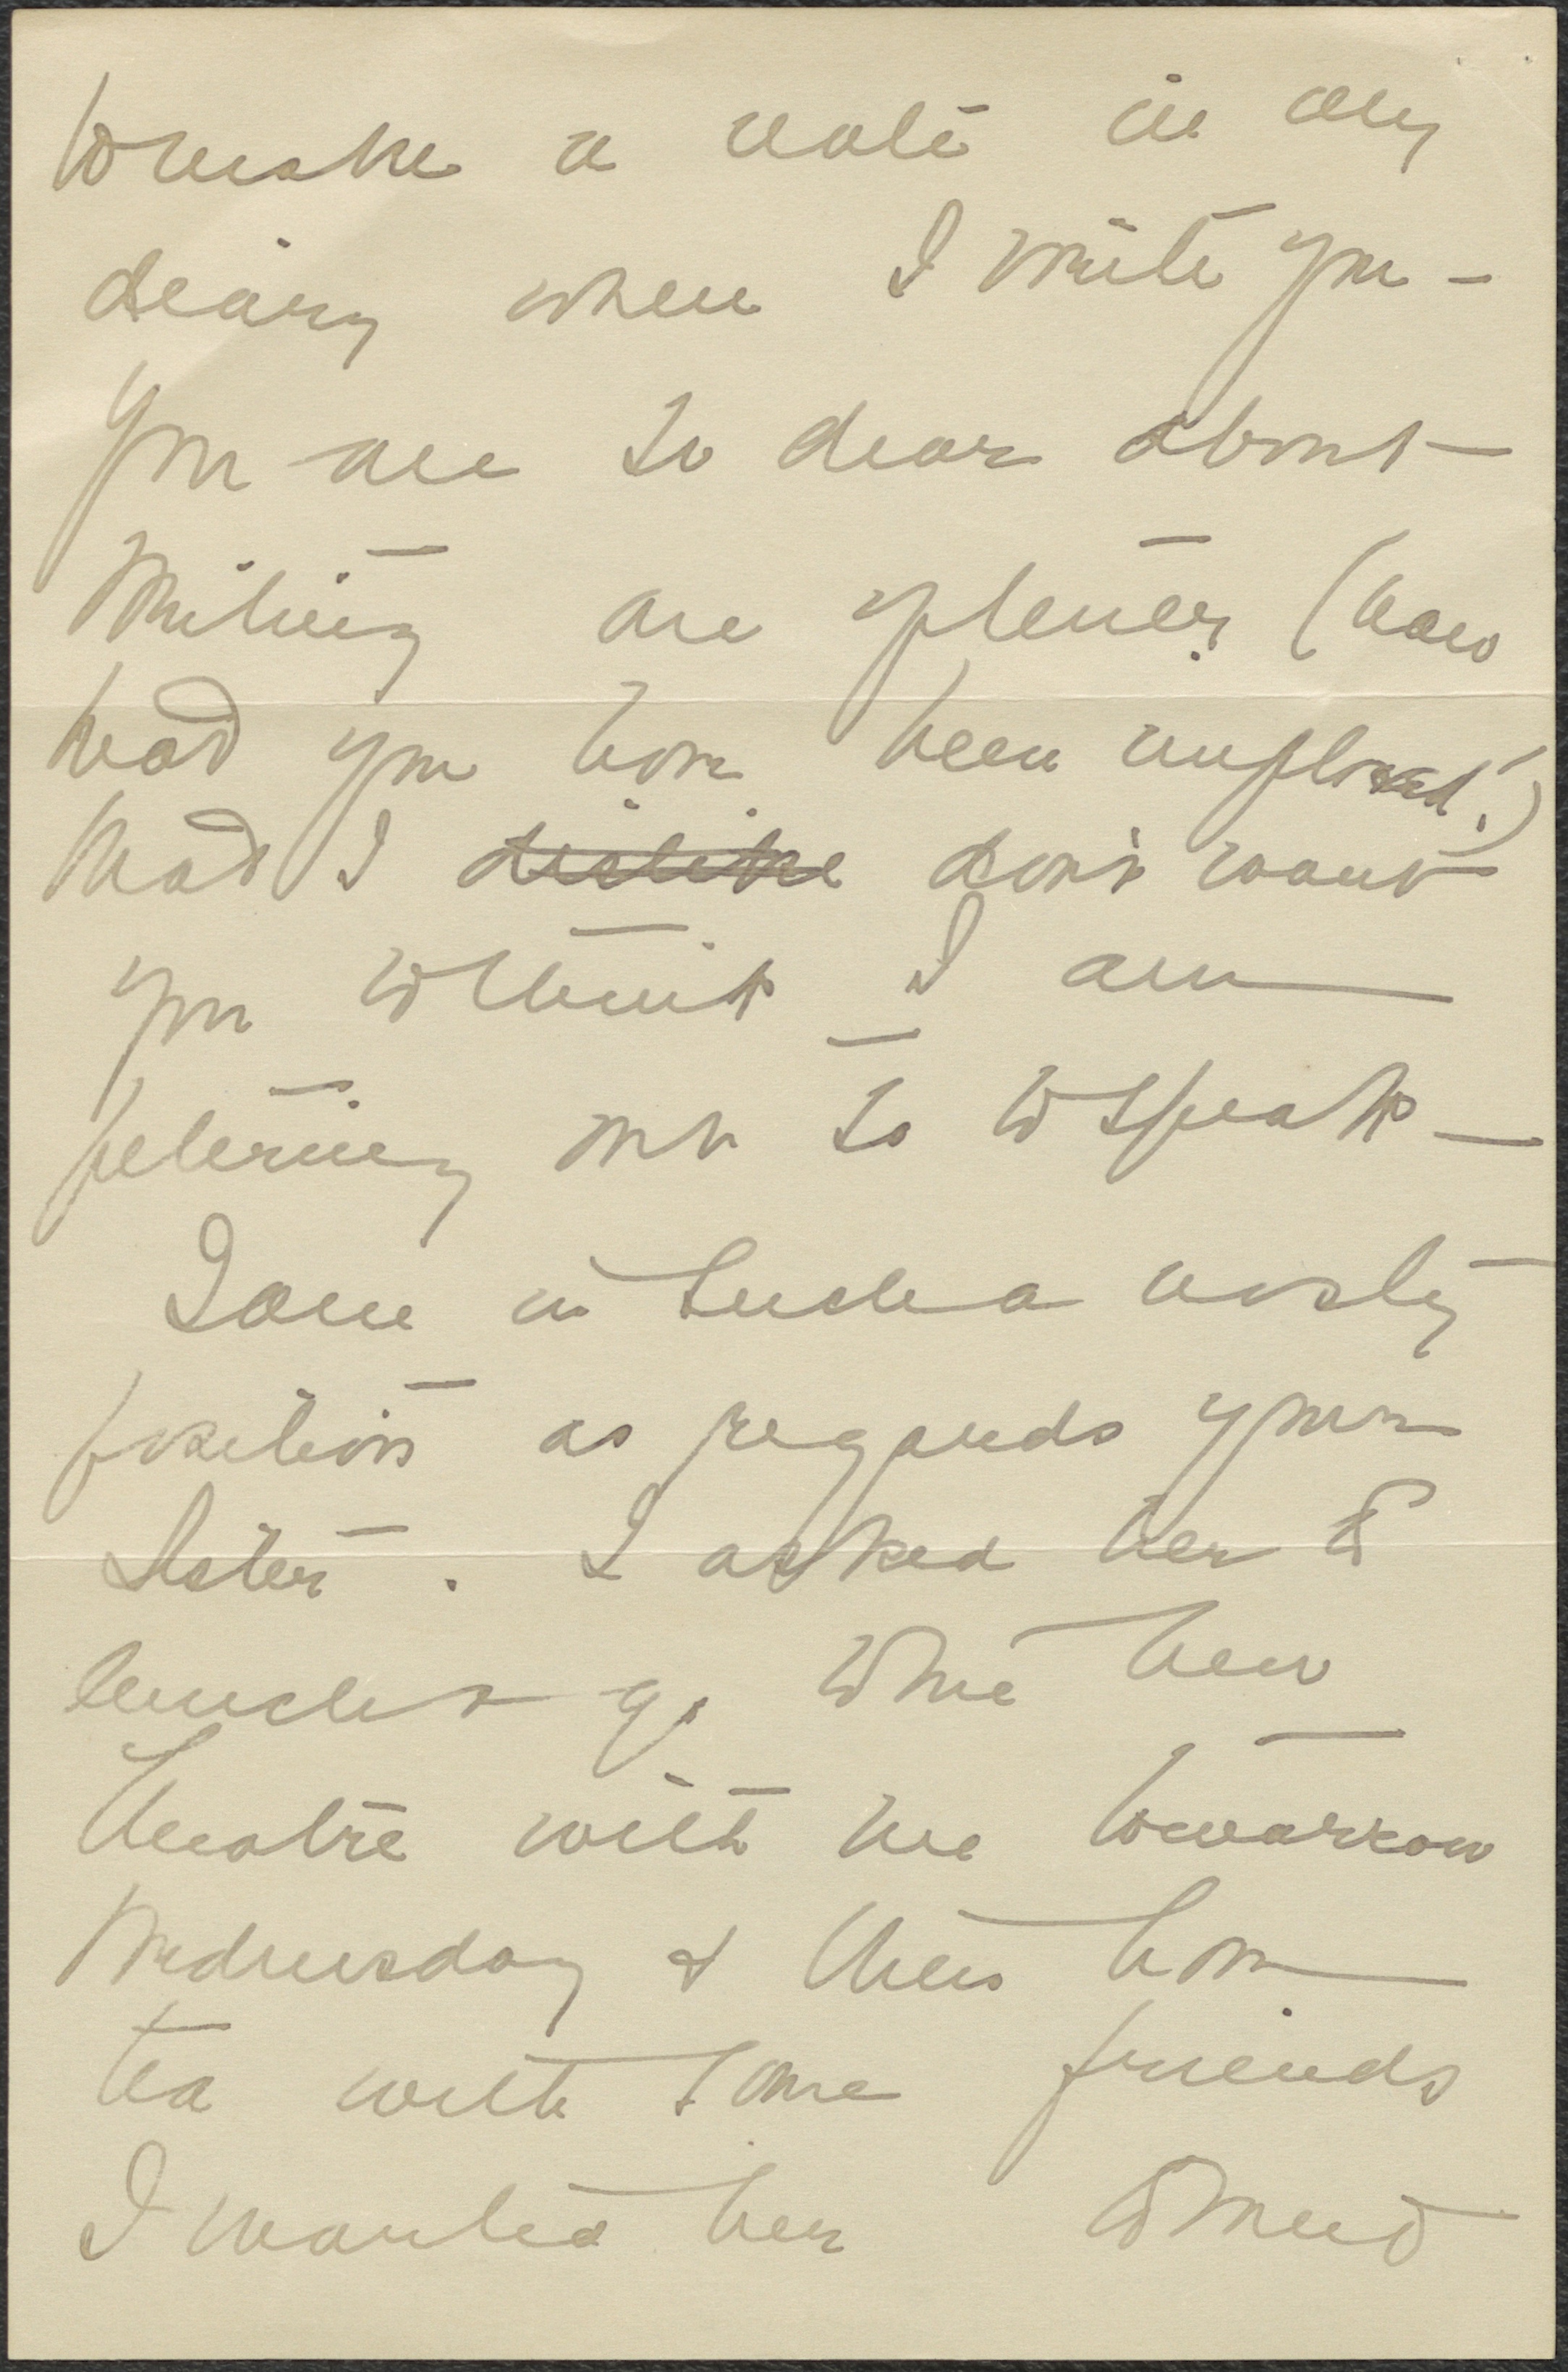to make a note in my diary when I write you – You are so dear about writing me oftener (now that you have been implored!) that I dislike don’t want you to think I am petering out so to speak – I am in such a nasty position as regards your Sister. I asked her to lunch & go to the New Theatre with me tomorrow Wednesday & then have tea with some friends I wanted her to meet